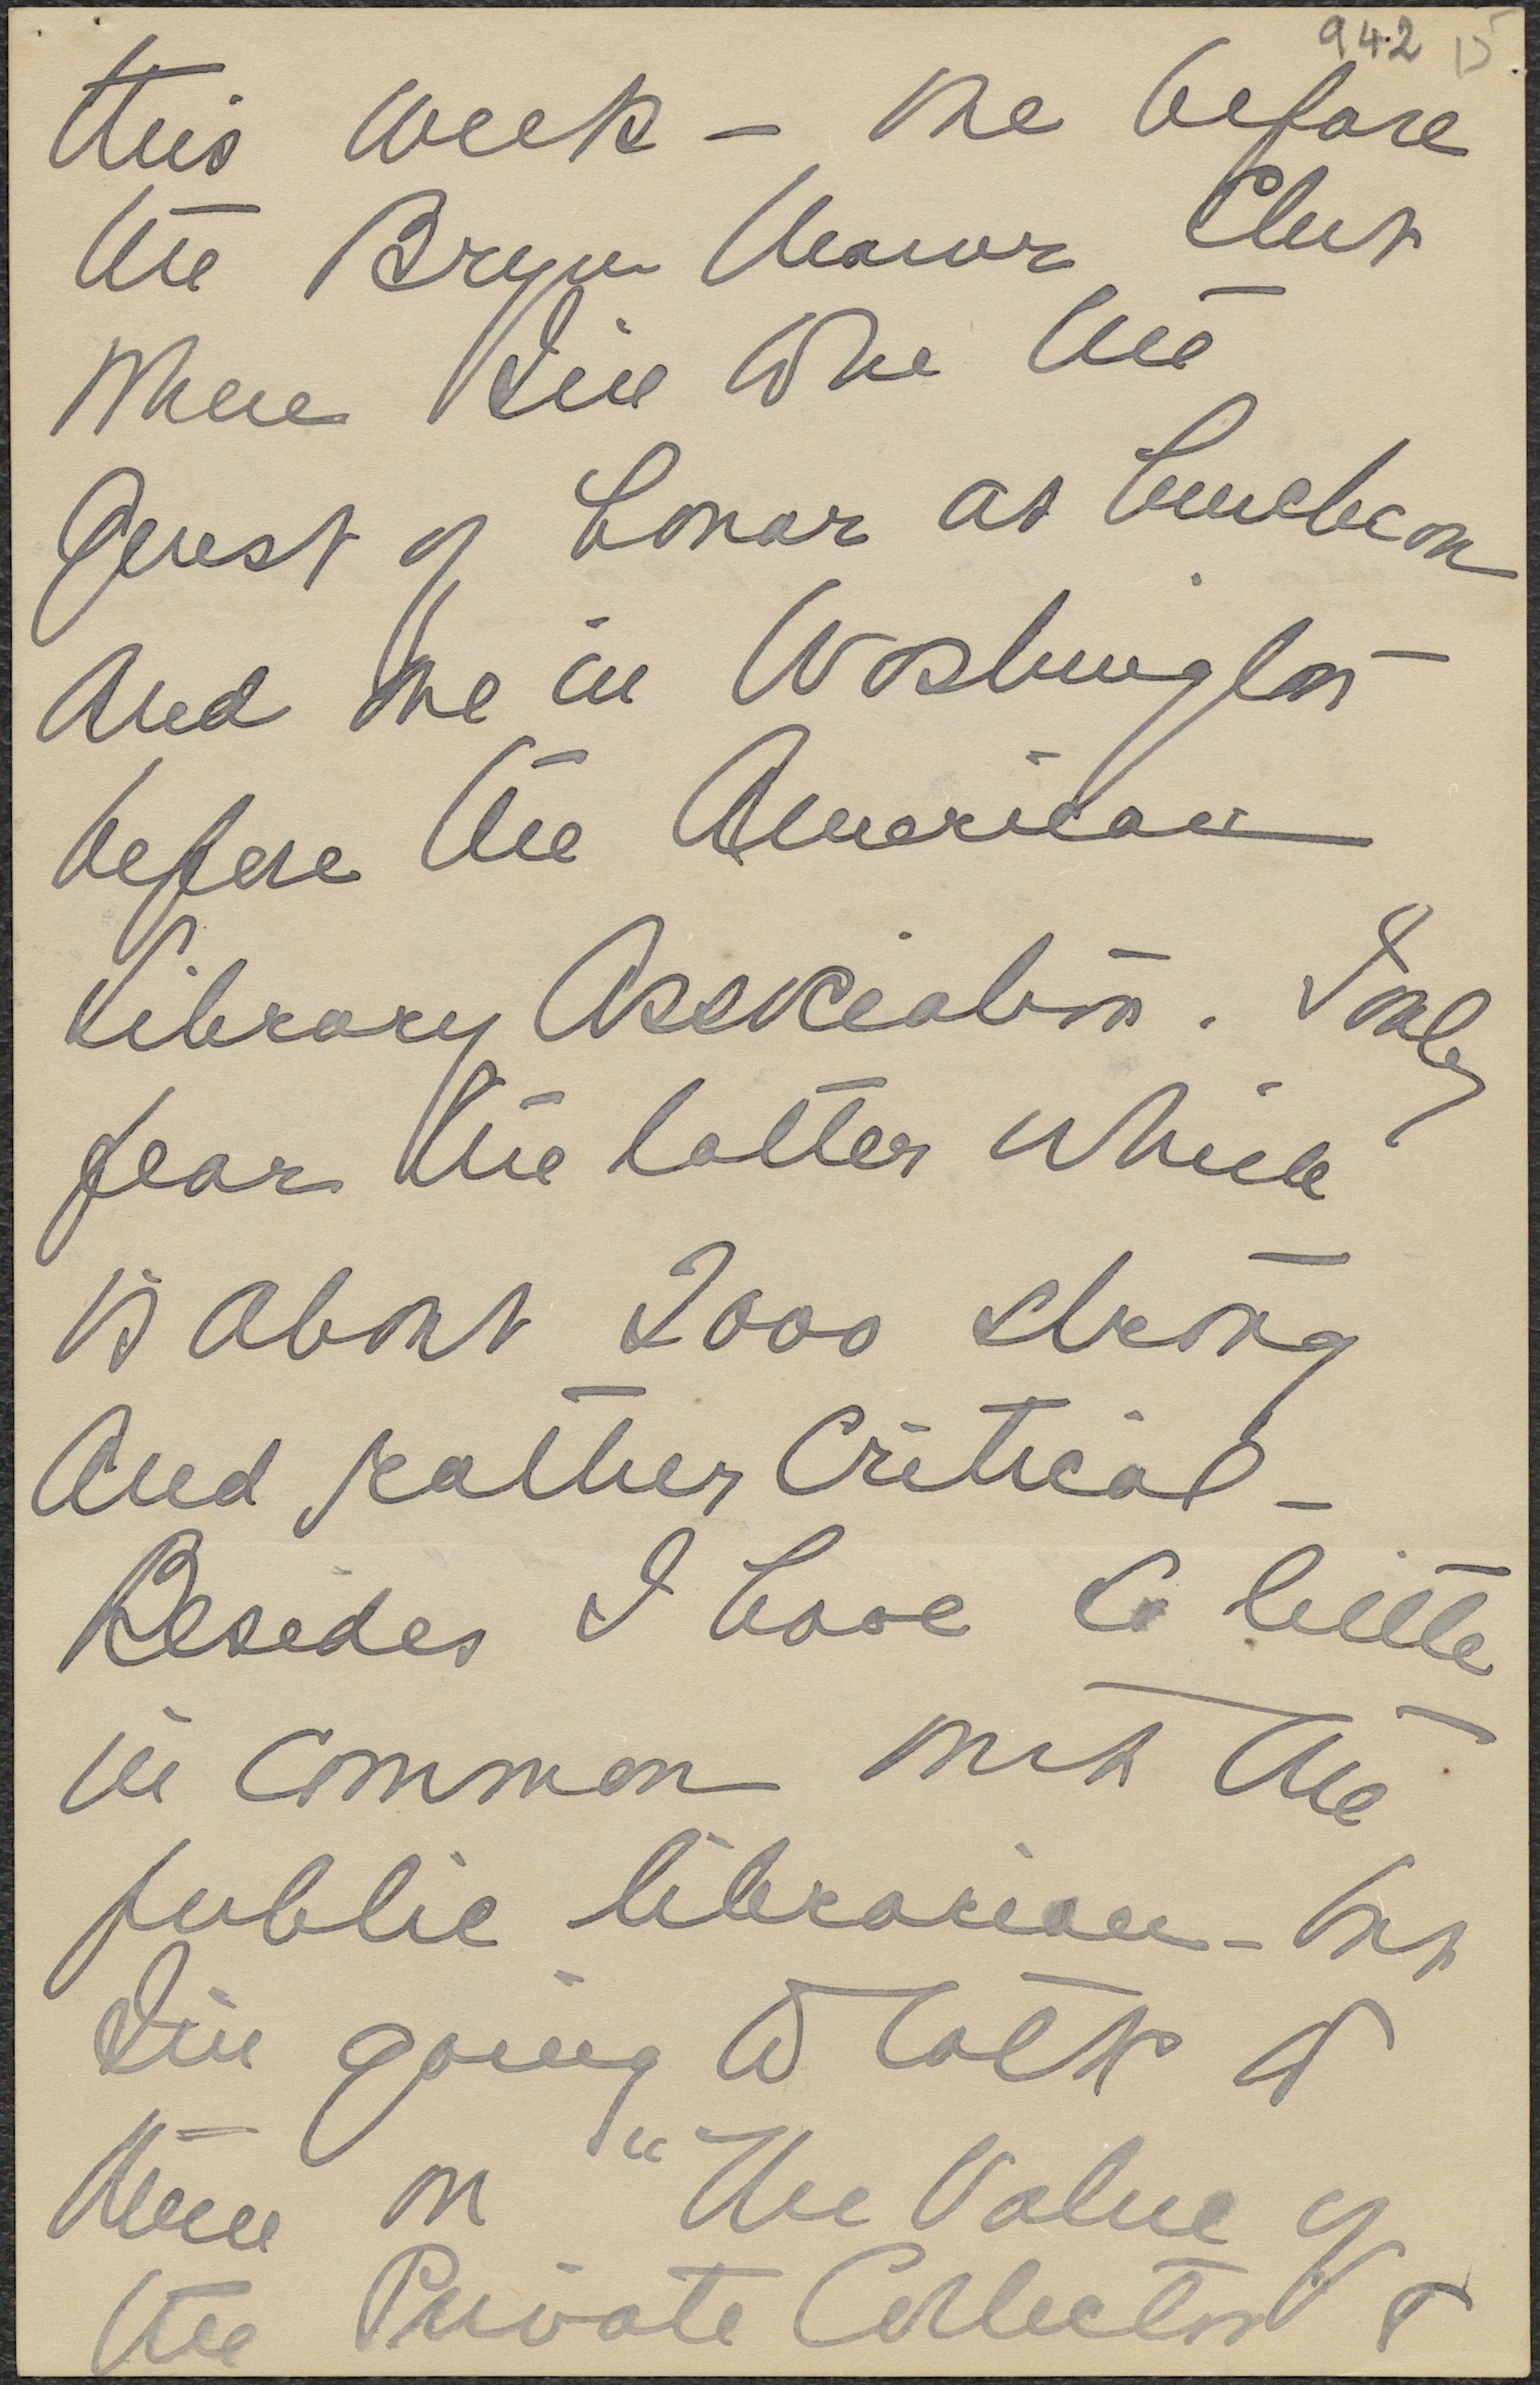this week – one before the Bryn Mawr Club where I’m to be the guest of honor at luncheon and one in Washington before the American Library Association. I only fear the latter which is about 2000 strong and rather critical – Besides I have so little in common with the public librarian – but I’m going to talk to them on “The Value of the Private Collector” &